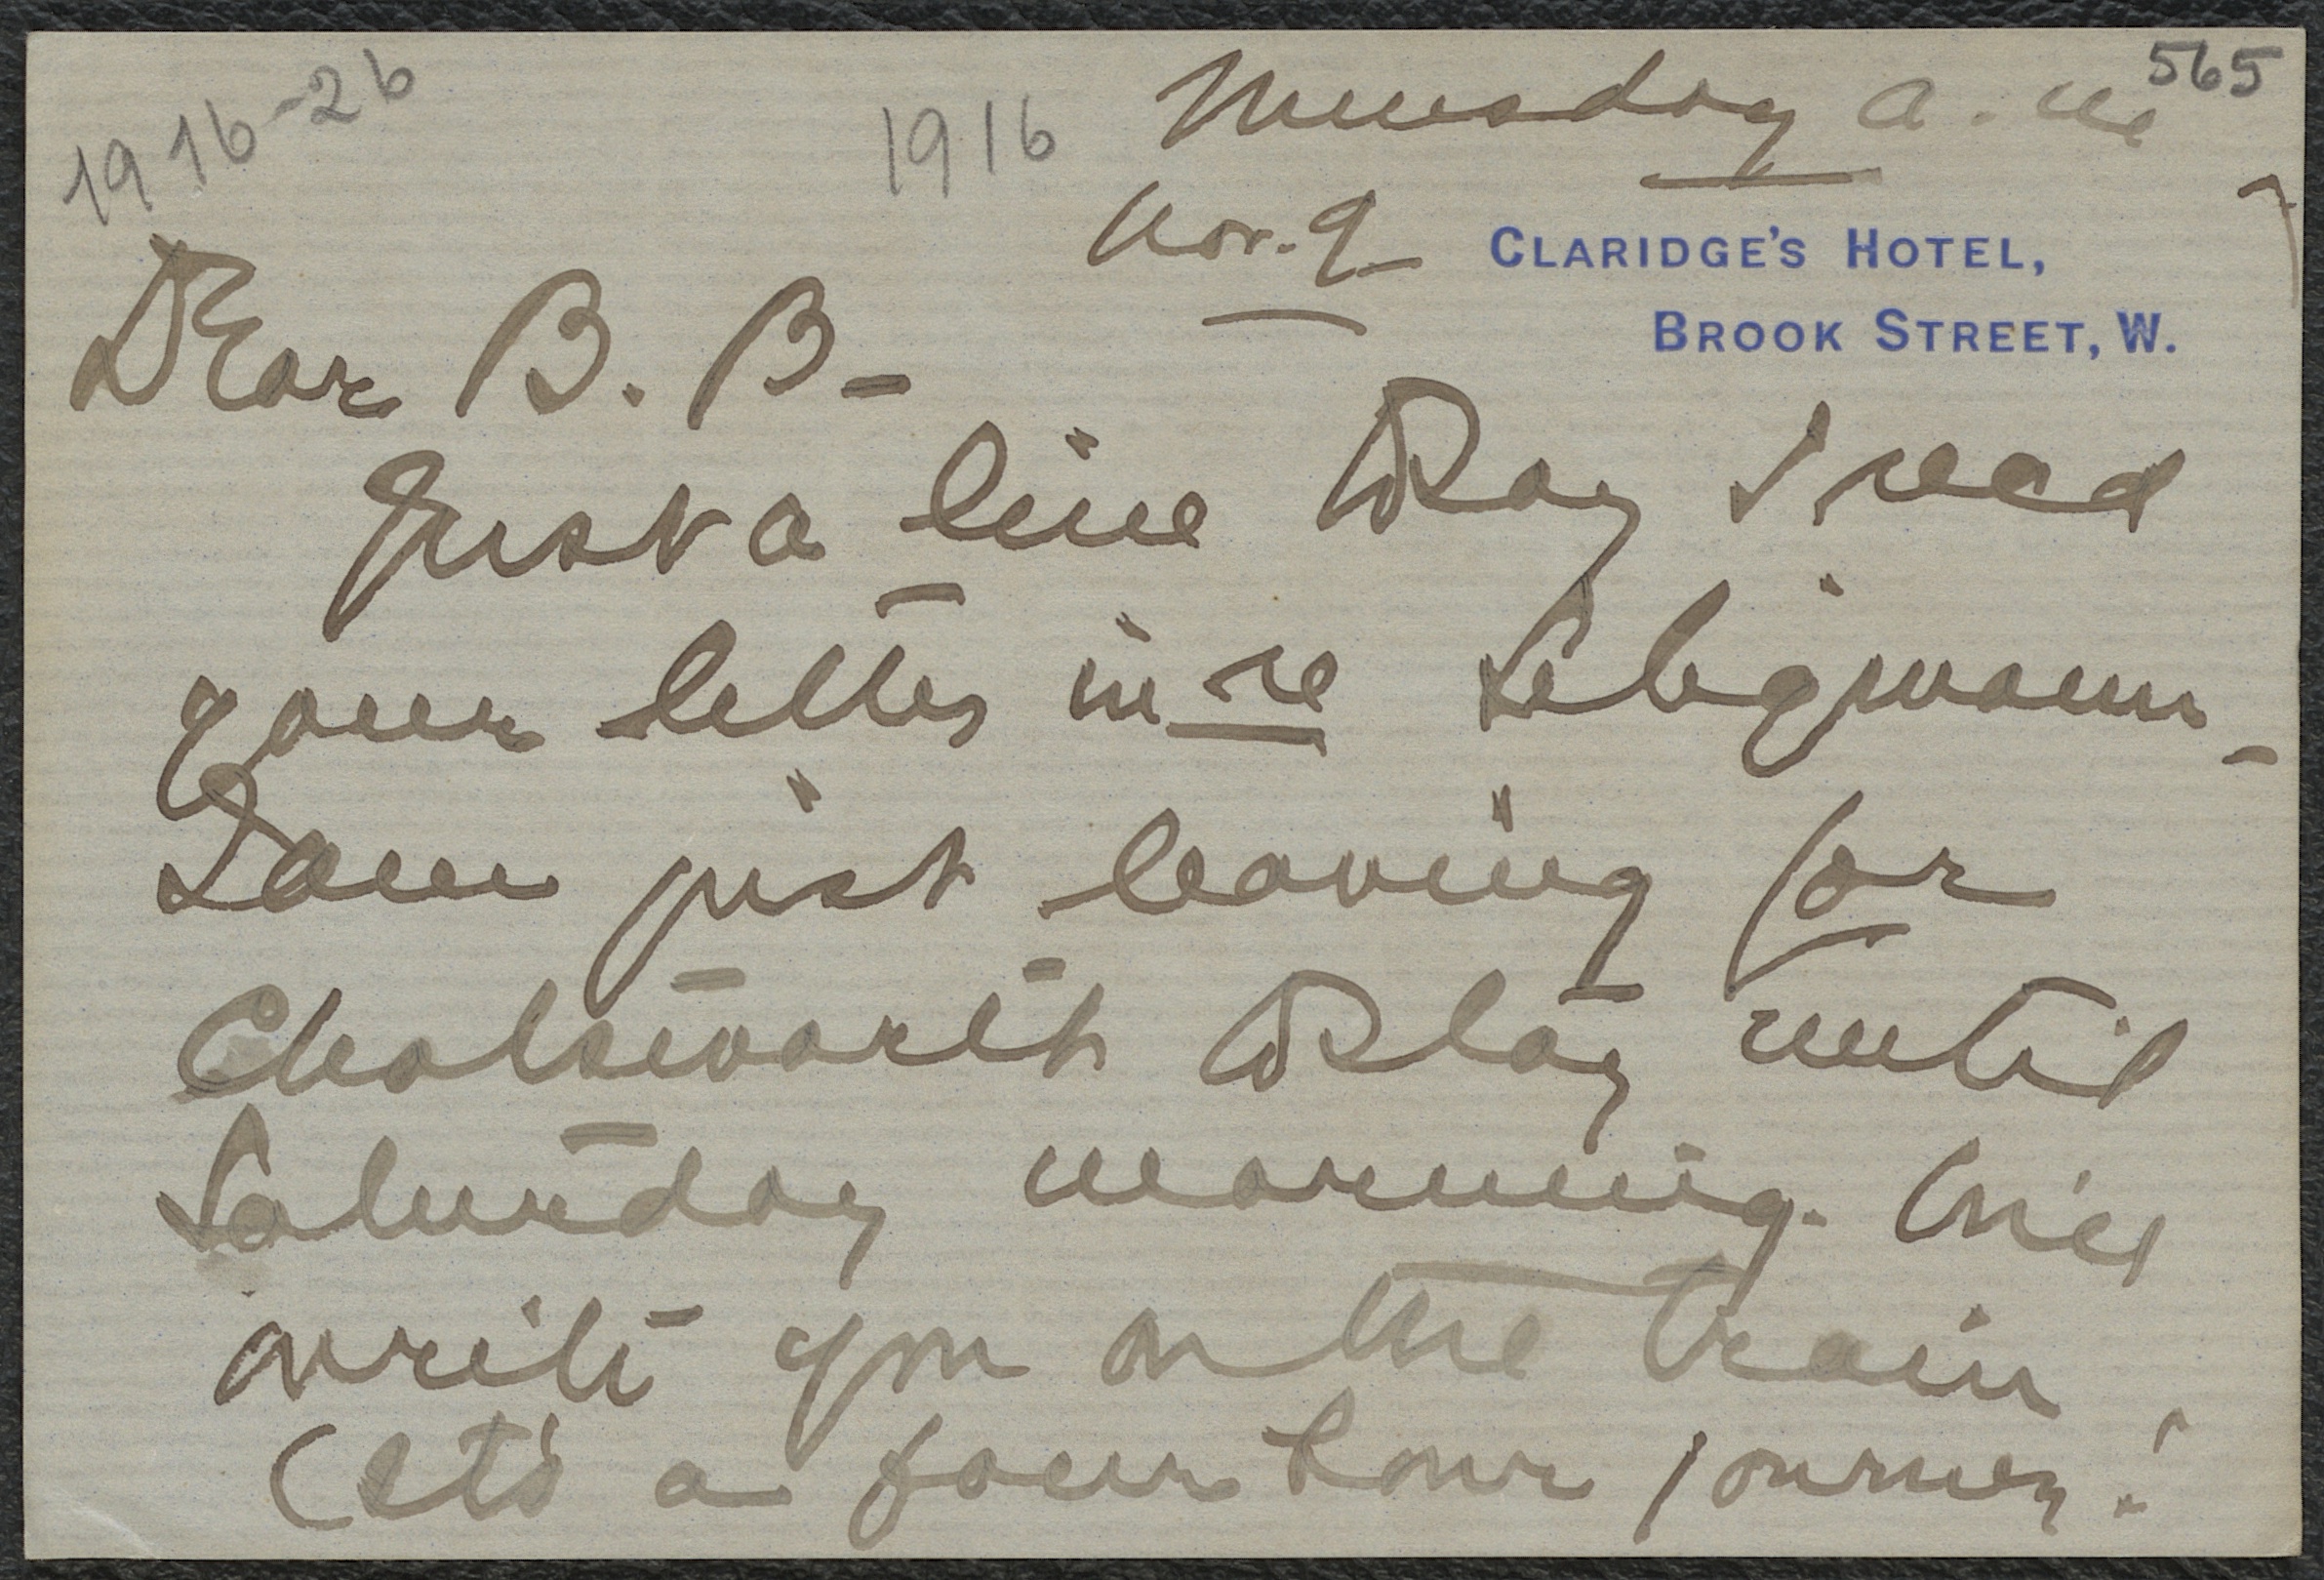Thursday a.m.
Nov. 9
Dear B.B.
Just a line to say I read your letter in re Seligmann –
I am just leaving for Chatsworth to stay until Sunday morning. I will write you on the train (it’s a four hour journey!